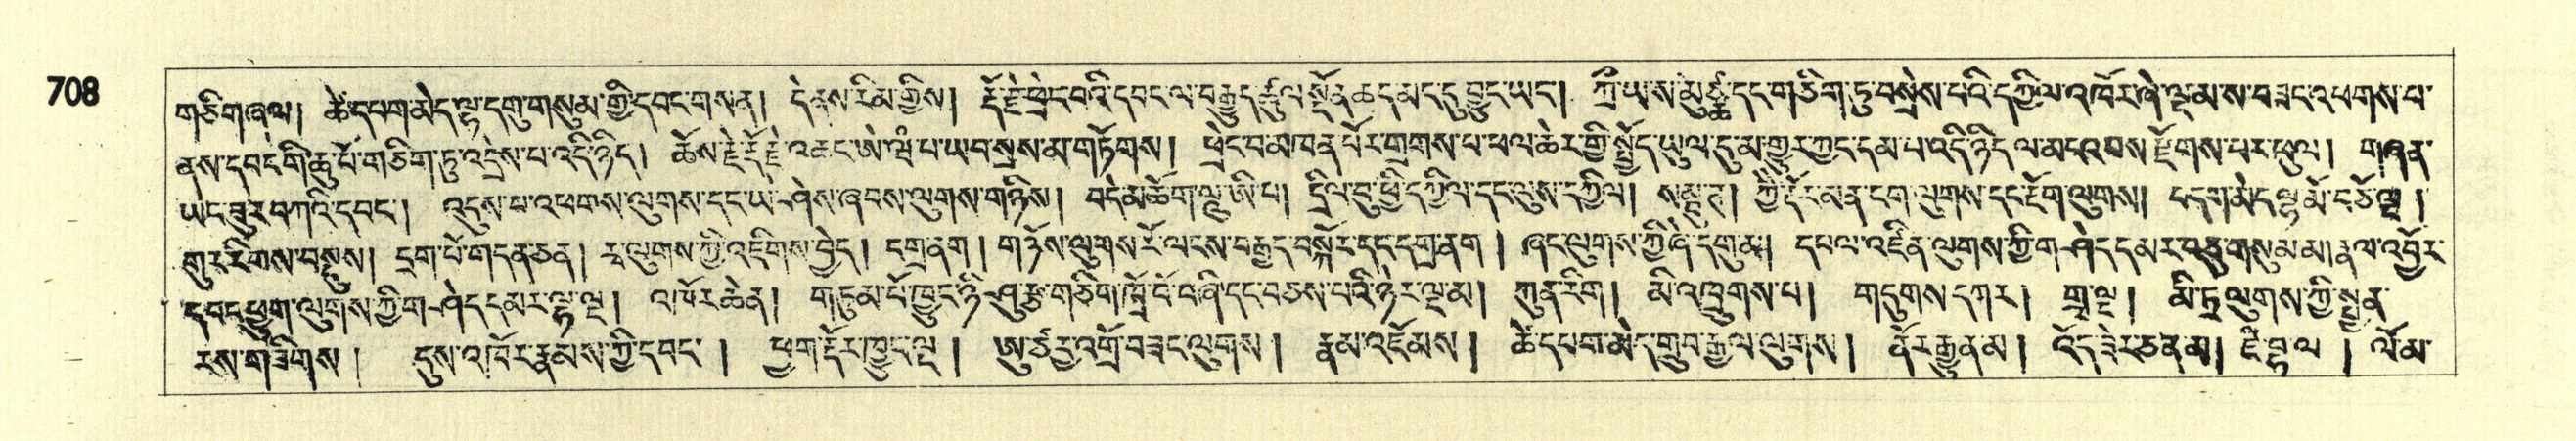གཅིག་ཞལ། ཚེ་དཔག་མེད་ལྷ་དགུ་གསུམ་གྱི་དབང་གསན། དེ་ནས་རིམ་གྱིས། རྡོ་རྗེ་ཕྲེང་བའི་དབང་ལ་བརྒྱུད་ཚུལ་སྔོན་ཆད་མང་དུ་བྱུང་ཡང་། ཀྲྀ་ཡ་ས་མུཙྪ་དང་གཅིག་ཏུ་བསྲེས་པའི་དཀྱིལ་འཁོར་ཞེ་ལྡམ་ས་བཟང་འཕགས་པ་
ནས་དབང་གི་ཆུ་པོ་གཅིག་ཏུ་འདྲེས་པ་འདི་ཉིད། ཆོས་རྗེ་རྡོ་རྗེ་འཆང་ཨེ་ཝཾ་པ་ཡབ་སྲས་མ་གཏོགས། ཕྲེང་བ་མཁན་པོར་གྲགས་པ་ཕལ་ཆེར་གྱི་སྤྱོད་ཡུལ་དུ་མ་གྱུར་ཀྱང་དམ་པ་འདི་ཉིད་ལ་མངའ་བས་རྫོགས་པར་ཕུལ། གཞན་
ཡང་ཟུར་བཀའི་དབང་། འདུས་པ་འཕགས་ལུགས་དང་ཡེ་ཤེས་ཞབས་ལུགས་གཉིས། བདེ་མཆོག་ལཱུ་ཨི་པ། དྲིལ་བུ་ཕྱི་དཀྱིལ་དང་ལུས་དཀྱིལ། སམྦུ་ཊ། ཀྱཻ་རྡོར་མན་ངག་ལུགས་དང་རྔོག་ལུགས། བདག་མེད་ལྷ་མོ་བཅོ་ལྔ།
གུར་རིགས་བསྡུས། དྲག་པོ་གདན་ཅན། རྭ་ལུགས་ཀྱི་འཇིགས་བྱེད། དགྲ་ནག། གཉོས་ལུགས་རོ་ལངས་བརྒྱད་བསྐོར་དང་དགྲ་ནག། ཞང་ལུགས་ཀྱི་ཞེ་དགུ་མ། དཔལ་འཛིན་ལུགས་ཀྱི་གཤེད་དམར་བཅུ་གསུམ་མ། རྣལ་འབྱོར་
དབང་ཕྱུག་ལུགས་ཀྱི་གཤེད་དམར་ལྷ་ལྔ། འཁོར་ཆེན། གཏུམ་པོ་ཁྱུང་ཉི་ཤུ་རྩ་གཅིག་ཁྲོ་བོ་བཞི་དང་བཅས་པའི་ཉེར་ལྔ་མ། ཀུན་རིག། མི་འཁྲུགས་པ། གདུགས་དཀར། གྲྭ་ལྔ། མི་ཏྲ་ལུགས་ཀྱི་སྤྱན་
རས་གཟིགས། དུས་འཁོར་རྣམས་ཀྱི་དབང་། ཕྱག་རྡོར་ཁྱུང་ལྔ། ཨུ་ཙརྱ་འགྲོ་བཟང་ལུགས། རྣམ་འཇོམས། ཚེ་དཔག་མེད་གྲུབ་རྒྱལ་ལུགས། ནོར་རྒྱུན་མ། འོད་ཟེར་ཅན་མ། ཛི་བྷ་ལ། ལོ་མ་